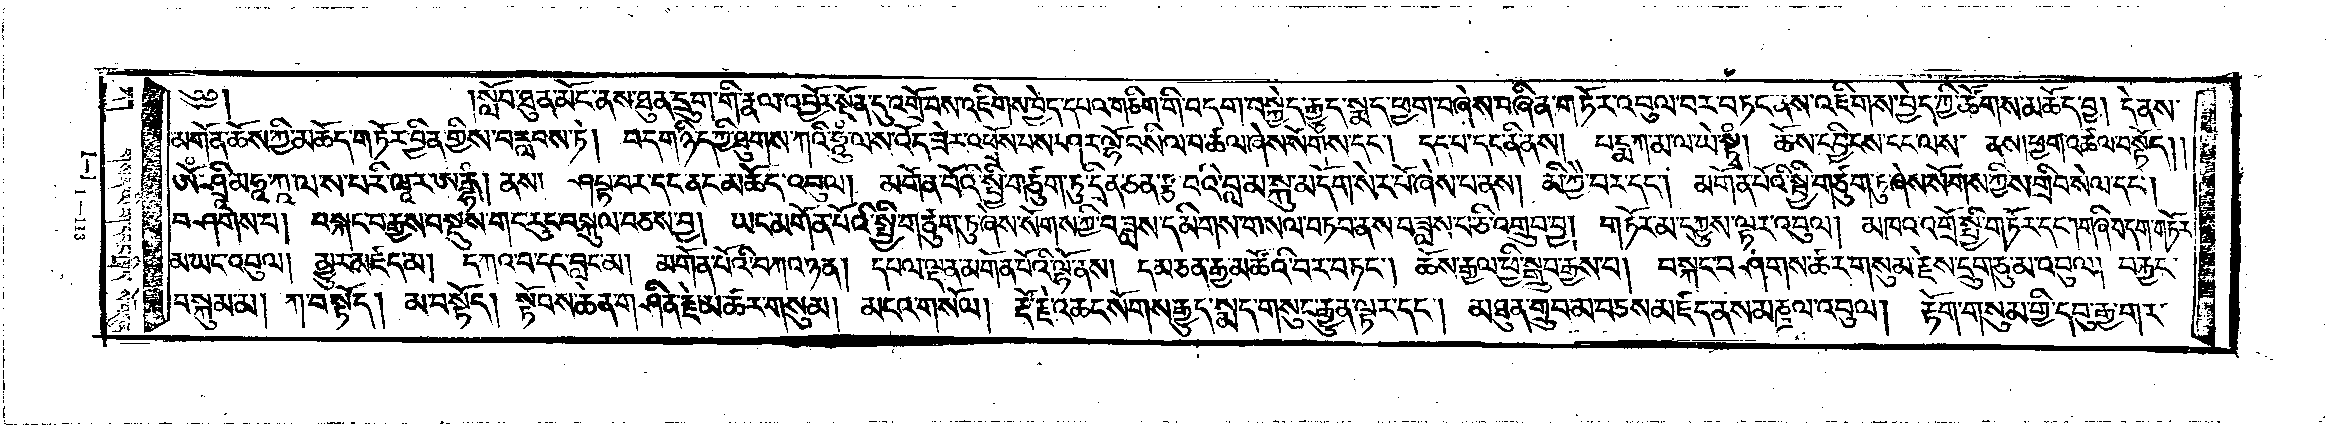༄༅། །སློབ་ཐུན་མོང་ནས་ཐུན་དྲུག་གི་རྣལ་འབྱོར་སྔོན་དུ་འགྲོ་བས་འཇིགས་བྱེད་དཔའ་གཅིག་གི་བདག་བསྐྱེད་རྒྱུད་སྨད་ཕྱག་བཞེས་བཞིན་གཏོར་འབུལ་བར་བཏང་ནས་འཇིགས་བྱེད་ཀྱི་ཚོགས་མཆོད་བྱ། དེ་ནས་
མགོན་ཆོས་ཀྱི་མཆོད་གཏོར་བྱིན་གྱིས་བརླབས་ཏེ། བདག་ཉིད་ཀྱི་ཐུགས་ཀའི་ཧཱུཾ་ལས་འོད་ཟེར་འཕྲོས་པས་ཤར་ལྷོ་བསིལ་བ་ཚལ་ཞེས་སོགས་དང་། དད་པ་དང་ནི་ནས། པདམ་ཀ་མ་ལ་ཡེ་སྟྭཾ། ཆོས་དབྱིངས་ངང་ལས་ནས། ཕྱག་འཚལ་བསྟོད།།
ཨོཾ་ཤྲཱི་མཧཱ་ཀཱ་ལ་ས་པ་རི་ཝཱར་ཨནྷཾ། ནས། ཤཔྟ་བར་དང་ནང་མཆོད་འབུལ། མགོན་པོའི་སྤྱི་གཙུག་ཏུ་དྲིན་ཅན་རྩ་བའི་བླ་མ་སྐུ་མདོག་སེར་པོ་ཞེས་པ་ནས། མི་ཀྱཻ་བར་དང་། མགོན་པོའི་སྤྱི་གཙུག་ཏུ་ཞེས་སོགས་ཀྱིས་གྲིབ་སེལ་དང་།
བཤགས་པ། བསྐང་བ་རྒྱས་བསྡུས་གང་རུང་བསྐུལ་བཅས་བྱ། ཡང་མགོན་པོའི་སྤྱི་གཙུག་ཏུ་ཞེས་སོགས་ཀྱི་བཟླས་དམིགས་གསལ་བཏབ་ནས་བཟླས་པ་ཅི་འགྲུབ་བྱ། གཏོར་མ་དཀྱུས་ལྟར་འབུལ། མཁའ་འགྲོ་སྤྱི་གཏོར་དང་། གཞི་བདག་གཏོར་
མ་ཡང་འབུལ། མྱུར་མཛད་མ། དཀའ་བ་དང་བླང་མ། མགོན་པོའི་བཀའ་ཉན། དཔལ་ལྡན་མགོན་པོའི་ལྷོ་ནས། དམ་ཅན་རྒྱ་མཚོའི་བར་བཏང་། ཆོས་རྒྱལ་ཕྱི་སྒྲུབ་རྒྱས་པ། བསྐང་བཤགས་ཚར་གསུམ་རྗེས་དྲུག་ཅུ་མ་འབུལ། བརྐྱང་
བསྐུམ་མ། ཀ་བསྟོད། མ་བསྟོད། སྟོབས་ཆེན་གཤིན་རྗེ་མཚར་གསུམ། མངའ་གསོལ། རྡོ་རྗེ་འཆང་སོགས་རྒྱུད་སྨད་གསུང་རྒྱུན་ལྟར་དང་། མཐུན་གྲུབ་མ་བཅས་མཛད་ནས་མཎྜལ་འབུལ། རྟོག་གསུམ་གྱི་དབུ་རྒྱ་གར་